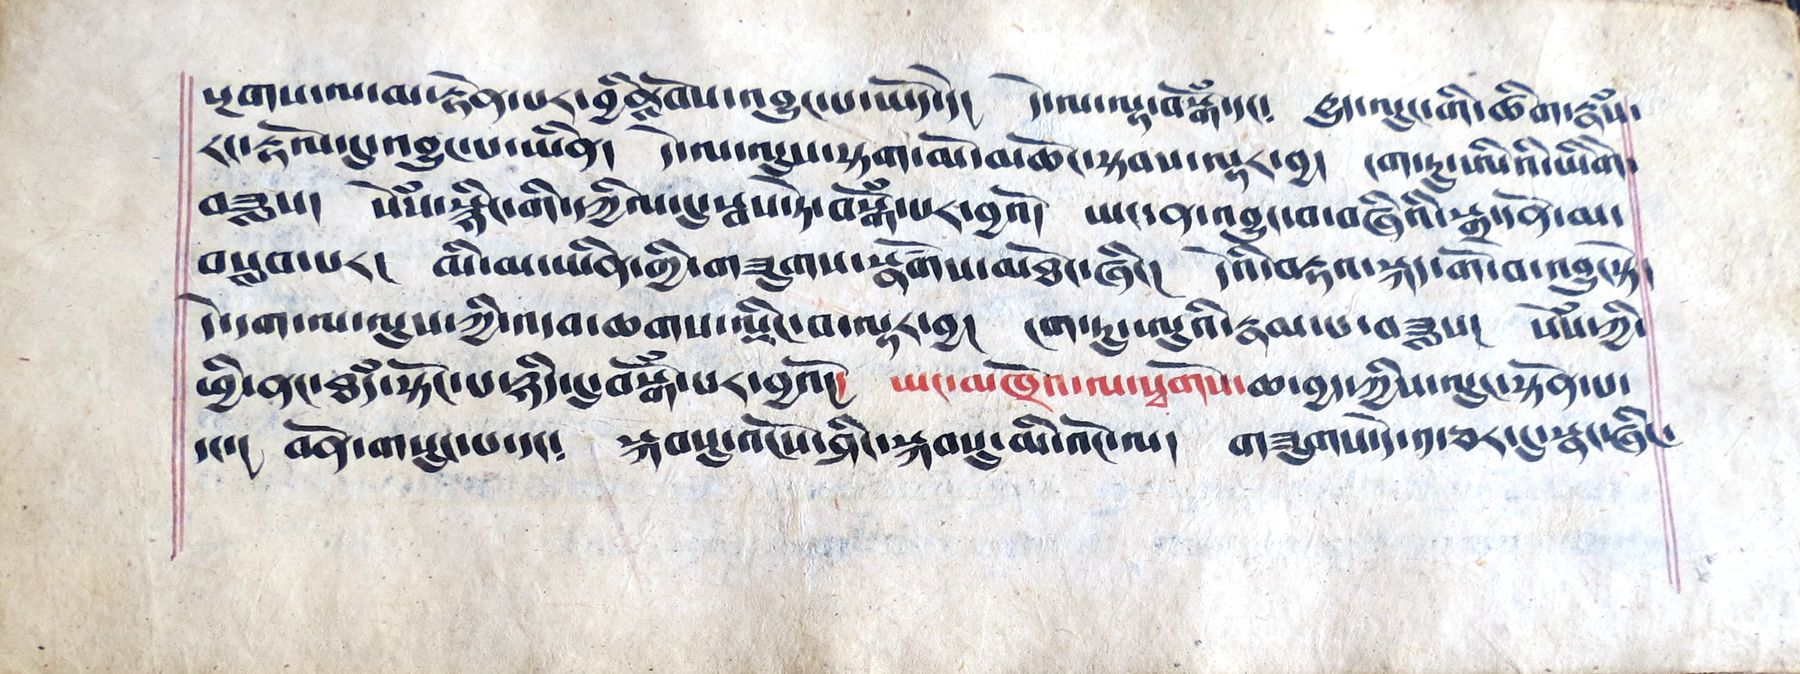སྔགས་ལ་མ་བརྟེན་པར་བྱིན་བརླབས་འབྱུང་བ་ཡང་ཡོད་དེ། དེ་ལ་ལྟ་སྒོམ་དང་རྒྱུད་ལུང་གི་ཚིག་རྣམས་
རང་བརྡོལ་དུ་འབྱུང་བ་ཡིན། དེ་ལ་ལུས་སྟག་མོ་མཆོངས་པ་ལྟར་བྱ། ངག་ཏུ་ཨིའི་ཡིགེ་ 
བཟླས། སེམས་ནི་སྙིང་གི་དཀྱིལ་དུ་སྦས་ཏེ་སྒོམ་པར་བྱའོ། །ཡང་ན་འབྱུང་བ་བཞིའི་སྒྲ་དོན་ལ་མ་
བསླབས་པར། མི་མ་ཡིན་གྱི་གཟུགས་སྣ་ཚོགས་མཐོང་ཞིང་། དེའི་བརྡའ་སྐད་གོ་བ་འབྱུང་སྟེ། 
དེ་དག་ལ་ལུས་ནི་འདབ་ཆགས་ལྡིང་བ་ལྟར་བྱ། ངག་ཏུ་ཨུའི་རྣམ་པ་བཟླས། སེམས་ཀྱིས་
ཕྱི་ནང་ཐམས་ཅད་སྟོང་པ་ཉིད་དུ་བསྒོམ་པར་བྱའོ། །ཡང་མཁའ་འགྲོ་ལས་སོགས་ཀྱི་ཆ་བྱད་ཀྱིས་ལུང་སྟོན་པ་
དང་། བོན་གསུངས་པ་དང་། སྐབས་སུ་འོང་ཞིང་སྐབས་སུ་མི་སྣང་ཞིང་། གཟུགས་དེ་གཅིག་ཆར་དུ་སྣང་ཞིང་